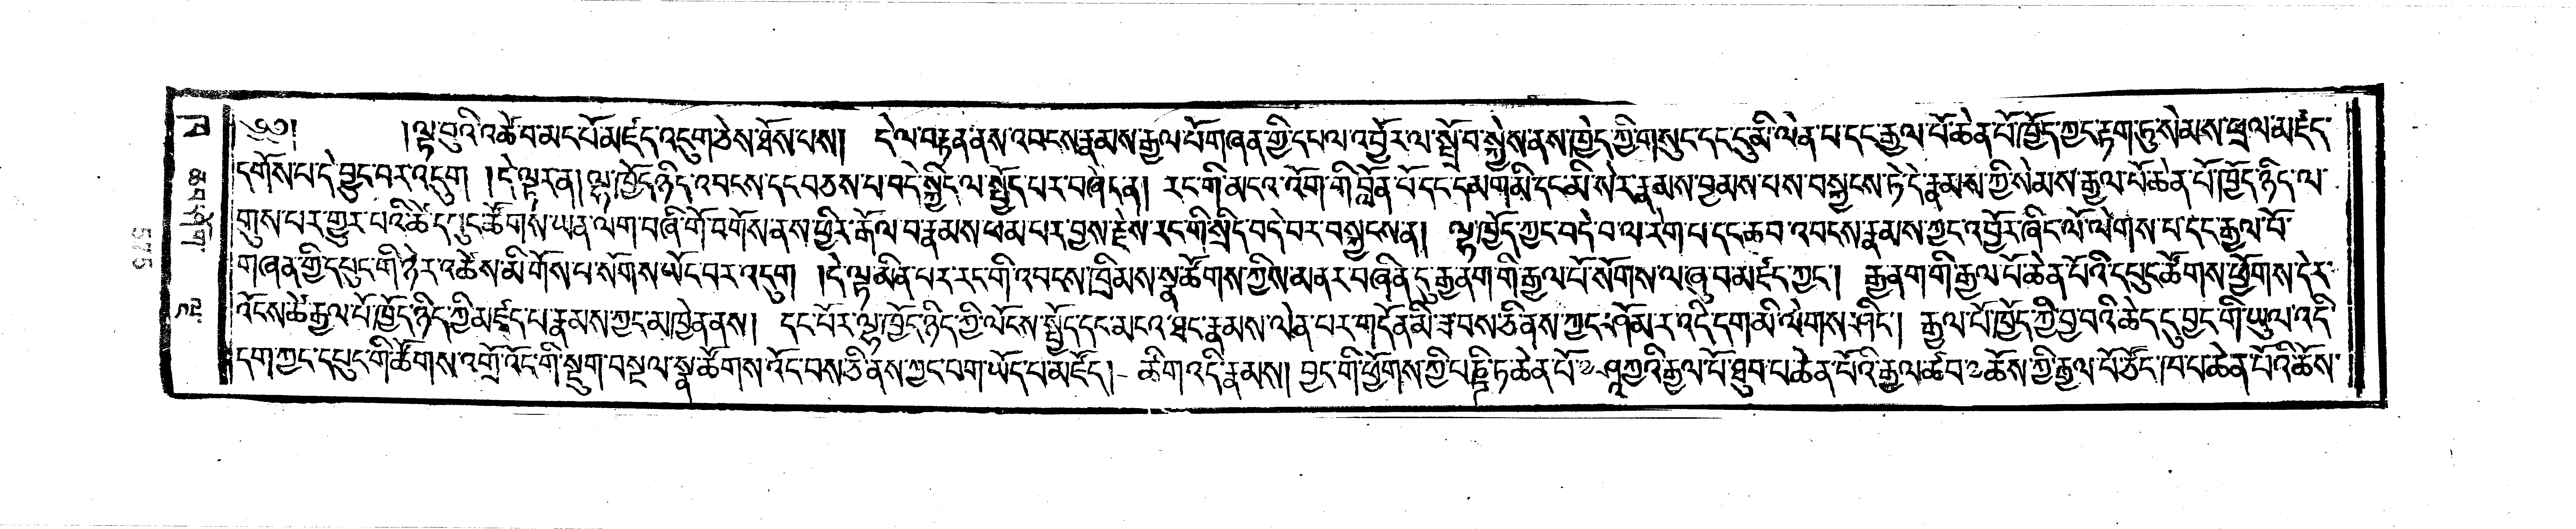༄༅། །ལྟ་བུའི་འཚེ་བ་མང་པོ་མཛད་འདུག་ཅེས་ཐོས་པས། དེ་ལ་བརྟན་ནས་འབངས་རྣམས་རྒྱལ་པོ་གཞན་གྱི་དཔལ་འབྱོར་ལ་སྤྲོ་བ་སྐྱེས་ནས་ཁྱེད་ཀྱི་གསུང་དང་དུ་མི་ལེན་པ་དང་རྒྱལ་པོ་ཆེན་པོ་ཁྱོད་ཀྱང་རྟག་ཏུ་སེམས་ཕྲལ་མཛད་
དགོས་པ་དེ་བྱུང་བར་འདུག །དེ་ལྟར་ན། ལྷ་ཁྱོད་ཉིད་འབངས་དང་བཅས་པ་བདེ་སྐྱིད་ལ་སྤྱོད་པར་བཞད་ན། རང་གི་མངའ་འོག་གི་བློན་པོ་དང་དམག་མི་དང་མི་སེར་རྣམས་བྱམས་པས་བསྐྱངས་ཏེ་དེ་རྣམས་ཀྱི་སེམས་རྒྱལ་པོ་ཆེན་པོ་ཁྱོད་ཉིད་ལ་
གུས་པར་གྱུར་པའི་ཚེ་དཔུང་ཚོགས་ཡན་ལག་བཞི་གོ་བགོས་ནས་ཕྱིར་རྒོལ་པ་རྣམས་ཕམ་པར་བྱས་རྗེས་རང་གི་སྲིད་བདེ་བར་བསྐྱངས་ན། ལྷ་ཁྱོད་ཀྱང་བདེ་བ་ལ་རེག་པ་དང་ཆབ་འབངས་རྣམས་ཀྱང་འབྱོར་ཞིང་ལོ་ལེགས་པ་དང་རྒྱལ་པོ་
གཞན་གྱི་དཔུང་གི་ཉེར་འཚེས་མི་གོས་པ་སོགས་ཡོང་བར་འདུག །དེ་ལྟ་མིན་པར་རང་གི་འབངས་ཁྲིམས་སྣ་ཚོགས་ཀྱིས་མནར་བཞིན་དུ་རྒྱ་ནག་གི་རྒྱལ་པོ་སོགས་ལ་ཞུ་བ་མཛད་ཀྱང་། རྒྱ་ནག་གི་རྒྱལ་པོ་ཆེན་པོའི་དཔུང་ཚོགས་ཕྱོགས་དེར་
འོངས་ཚེ་རྒྱལ་པོ་ཁྱོད་ཉིད་ཀྱི་མཛད་པ་རྣམས་ཀྱང་མཁྱེན་ནས། དང་པོར་ལྷ་ཁྱོད་ཉིད་ཀྱི་ལོངས་སྤྱོད་དང་མངའ་ཐང་རྣམས་ལེན་པར་གདོན་མི་ཟ་བས་ཅི་ནས་ཀྱང་ཤོམ་ར་འདི་དག་མི་ལེགས་ཤིང་། རྒྱལ་པོ་ཁྱོད་ཀྱི་བྱ་བའི་ཆེད་དུ་བྱང་གི་ཡུལ་འདི་
དག་ཀྱང་དཔུང་གི་ཚོགས་འགྲོ་འོང་གི་སྡུག་བསྔལ་སྣ་ཚོགས་འོང་བས་ཅི་ནས་ཀྱང་བག་ཡོད་པ་མཛོད། ཚིག་འདི་རྣམས། བྱང་གི་ཕྱོགས་ཀྱི་པཎྜི་ཏ་ཆེན་པོ་༧་ཤཱཀྱའི་རྒྱལ་པོ་ཐུབ་པ་ཆེན་པོའི་རྒྱལ་ཚབ་༈ ཆོས་ཀྱི་རྒྱལ་པོ་ཙོང་ཁ་པ་ཆེན་པོའི་ཆོས་